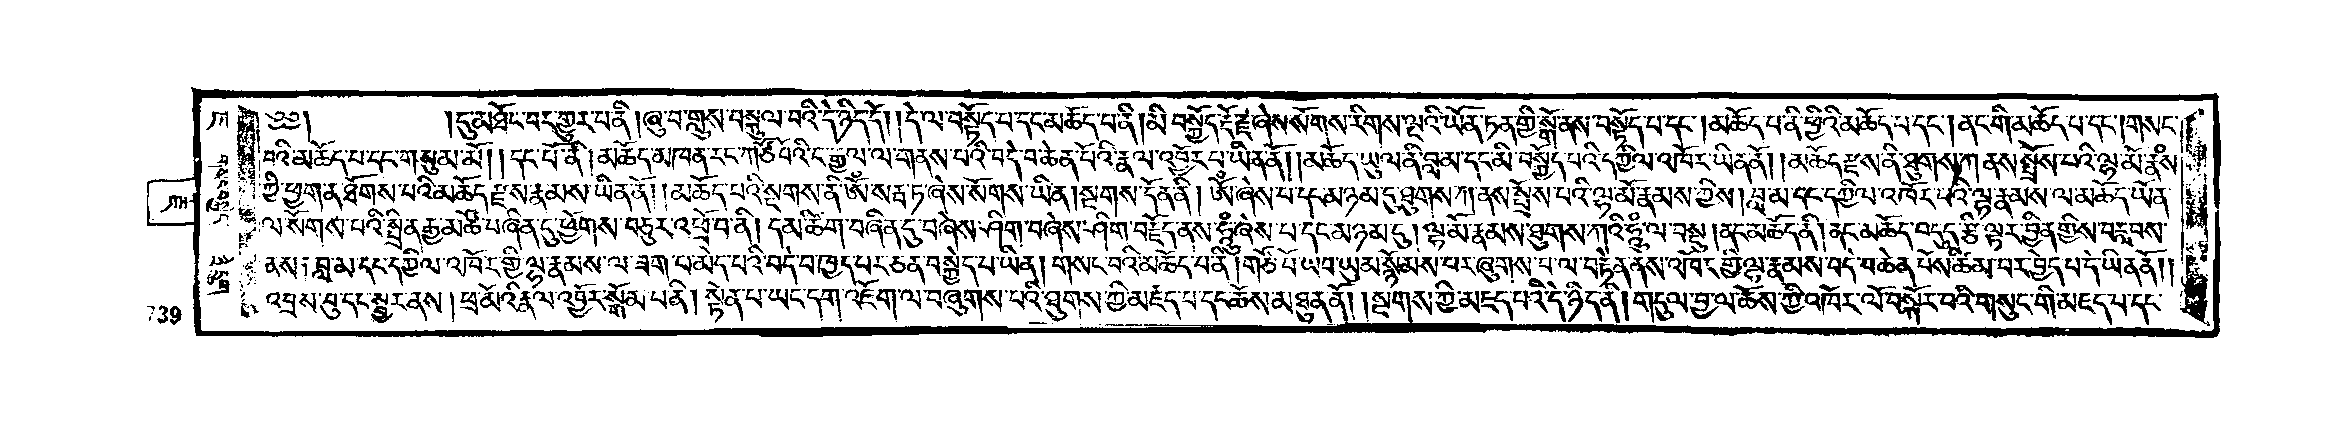༄༅། །དུ་མཐོང་བར་གྱུར་པ་ནི། ཞུ་བ་གླུས་བསྐུལ་བའི་དེ་ཉིད་དོ། །དེ་ལ་བསྟོད་པ་དང་མཆོད་པ་ནི། མི་བསྐྱོད་རྡོ་རྗེ་ཞེས་སོགས་རིགས་ལྔའི་ཡོན་ཏན་གྱི་སྒོ་ནས་བསྟོད་པ་དང་། མཆོད་པ་ནི་ཕྱིའི་མཆོད་པ་དང་། ནང་གི་མཆོད་པ་དང་། གསང་
བའི་མཆོད་པ་དང་གསུམ་མོ། །དང་པོ་ནི། མཆོད་མཁན་རང་གཙོ་བོའི་ང་རྒྱལ་ལ་གནས་པའི་བདེ་བ་ཆེན་པོའི་རྣལ་འབྱོར་པ་ཡིན་ནོ། །མཆོད་ཡུལ་ནི་བླ་མ་དང་མི་བསྐྱོད་པའི་དཀྱིལ་འཁོར་ཡིན་ནོ། །མཆོད་རྫས་ནི་ཐུགས་ཀ་ནས་སྤྲོས་པའི་ལྷ་མོ་རྣམས་
ཀྱི་ཕྱག་ན་ཐོགས་པའི་མཆོད་རྫས་རྣམས་ཡིན་ནོ། །མཆོད་པའི་སྔགས་ནི་ཨོཾ་སརྦ་ཏ་ཞེས་སོགས་ཡིན། སྔགས་དོན་ནི། ཨོཾ་ཞེས་པ་དང་མཉམ་དུ་ཐུགས་ཀ་ནས་སྤྲོས་པའི་ལྷ་མོ་རྣམས་ཀྱིས། བླ་མ་དང་དཀྱིལ་འཁོར་བའི་ལྷ་རྣམས་ལ་མཆོད་ཡོན་
ལ་སོགས་པའི་སྤྲིན་རྒྱ་མཚོ་བཞིན་དུ་ཕྱོགས་བཅུར་འཕྲོ་བ་ནི། དམ་ཚིག་བཞིན་དུ་བཞེས་ཤིག་བཞེས་ཤིག་བརྗོད་ནས་ཧཱུཾ་ཞེས་པ་དང་མཉམ་དུ། ལྷ་མོ་རྣམས་ཐུགས་ཀའི་ཧཱུཾ་ལ་བསྡུ། ནང་མཆོད་ནི། ནང་མཆོད་བདུད་རྩི་ལྟར་བྱིན་གྱིས་བརླབས་
ནས། བླ་མ་དང་དཀྱིལ་འཁོར་གྱི་ལྷ་རྣམས་ལ་ཟག་པ་མེད་པའི་བདེ་བ་ཁྱད་པར་ཅན་བསྐྱེད་པ་ཡིན། གསང་བའི་མཆོད་པ་ནི། གཙོ་བོ་ཡབ་ཡུམ་སྙོམས་པར་ཞུགས་པ་ལ་བརྟེན་ནས་འཁོར་གྱི་ལྷ་རྣམས་བདེ་བ་ཆེན་པོས་ཚིམ་པར་བྱེད་པ་དེ་ཡིན་ནོ། །
འབྲས་བུ་དང་སྦྱར་ནས། ཕྲ་མོའི་རྣལ་འབྱོར་སྒོམ་པ་ནི། སྟོང་པ་ཡང་དག་འཇོག་ལ་བཞུགས་པའི་ཐུགས་ཀྱི་མཛད་པ་དང་ཆོས་མཐུན་ནོ། །སྔགས་ཀྱི་མཛད་པའི་དེ་ཉིད་ནི། །གདུལ་བྱ་ལ་ཆོས་ཀྱི་འཁོར་ལོ་བསྐོར་བའི་གསུང་གི་མཛད་པ་དང་